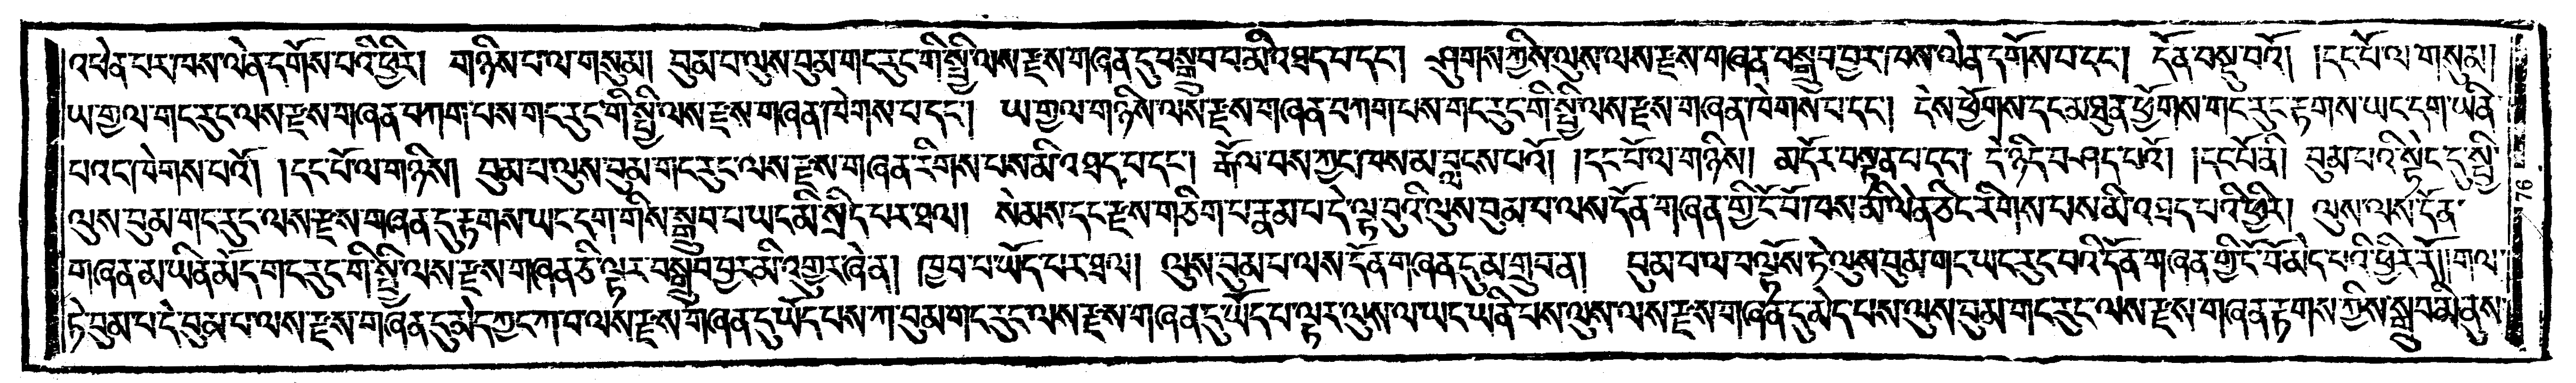འཕེན་པར་ཁས་ལེན་དགོས་པའི་ཕྱིར། གཉིས་པ་ལ་གསུམ། བུམ་པ་ལུས་བུམ་གང་རུང་གི་སྤྱི་ལས་རྫས་གཞན་དུ་བསྒྲུབ་པ་མི་འཐད་པ་དང་། ཤུགས་ཀྱིས་ལུས་ལས་རྫས་གཞན་བསྒྲུབ་བྱར་ཁས་ལེན་དོགས་པ་དང་། དོན་བསྡུ་བའོ། །དང་པོ་ལ་གསུམ།
ཡ་གྱལ་གང་རུང་ལས་རྫས་གཞན་བཀག་པས་གང་རུང་གི་སྤྱི་ལས་རྫས་གཞན་ཁེགས་པ་དང་། ཡ་གྱལ་གཉིས་ལས་རྫས་གཞན་བཀག་པས་གང་རུང་གི་སྤྱི་ལས་རྫས་གཞན་ཁེགས་པ་དང་། དེས་ཕྱོགས་དང་མཐུན་ཕྱོགས་གང་རུང་རྟགས་ཡང་དག་ཡིན་
པའང་ཁེགས་པའོ། །དང་པོ་ལ་གཉིས། བུམ་པ་ལུས་བུམ་གང་རུང་ལས་རྫས་གཞན་རིགས་པས་མི་འཐད་པ་དང་། རྒོལ་བས་ཀྱང་ཁམས་མ་བླངས་པའོ། །དང་པོ་ལ་གཉིས། མདོར་བསྟན་པ་དང་། དེ་ཉིད་བཤད་པའོ། །དང་པོ་ནི། བུམ་པའི་སྟེང་དུ་སྤྱི་
ལུས་བུམ་གང་རུང་ལས་རྫས་གཞན་དུ་རྟགས་ཡང་དག་གིས་སྒྲུབ་པ་ཡང་མི་སྲིད་པར་ཐལ། སེམས་དང་རྫས་གཅིག་པ་རྣམ་པ་དེ་ལྟ་བུའི་ལུས་བུམ་པ་ལས་དོན་གཞན་གྱི་ངོ་བོ་ཁས་མི་ལེན་ཅིང་རིགས་པས་མི་འཐད་པའི་ཕྱིར། ལུས་ལས་དོན་
གཞན་མ་ཡིན་མོད་གང་རུང་གི་སྤྱི་ལས་རྫས་གཞན་ཅི་ལྟར་བསྒྲུབ་བྱར་མི་འགྱུར་ཞེ་ན། ཁྱབ་པ་ཡོད་པར་ཐལ། ལུས་བུམ་པ་ལས་དོན་གཞན་དུ་མ་གྲུབ་ན། བུམ་པ་ལ་བལྟོས་ཏེ་ལུས་བུམ་གང་ཡང་རུང་བའི་དོན་གཞན་གྱི་ངོ་བོ་མེད་པའི་ཕྱིར་རོ། །གལ་
ཏེ་བུམ་པ་དེ་བུམ་པ་ལས་རྫས་གཞན་དུ་མེད་ཀྱང་ཀ་བ་ལས་རྫས་གཞན་དུ་ཡོད་པས་ཀ་བུམ་གང་རུང་ལས་རྫས་གཞན་དུ་ཡོད་པ་ལྟར་ལུས་ལ་ཡང་ཡིན་པས་ལུས་ལས་རྫས་གཞན་དུ་མེད་པས་ལུས་བུམ་གང་རུང་ལས་རྫས་གཞན་རྟགས་ཀྱིས་སྒྲུབ་མི་ནུས་